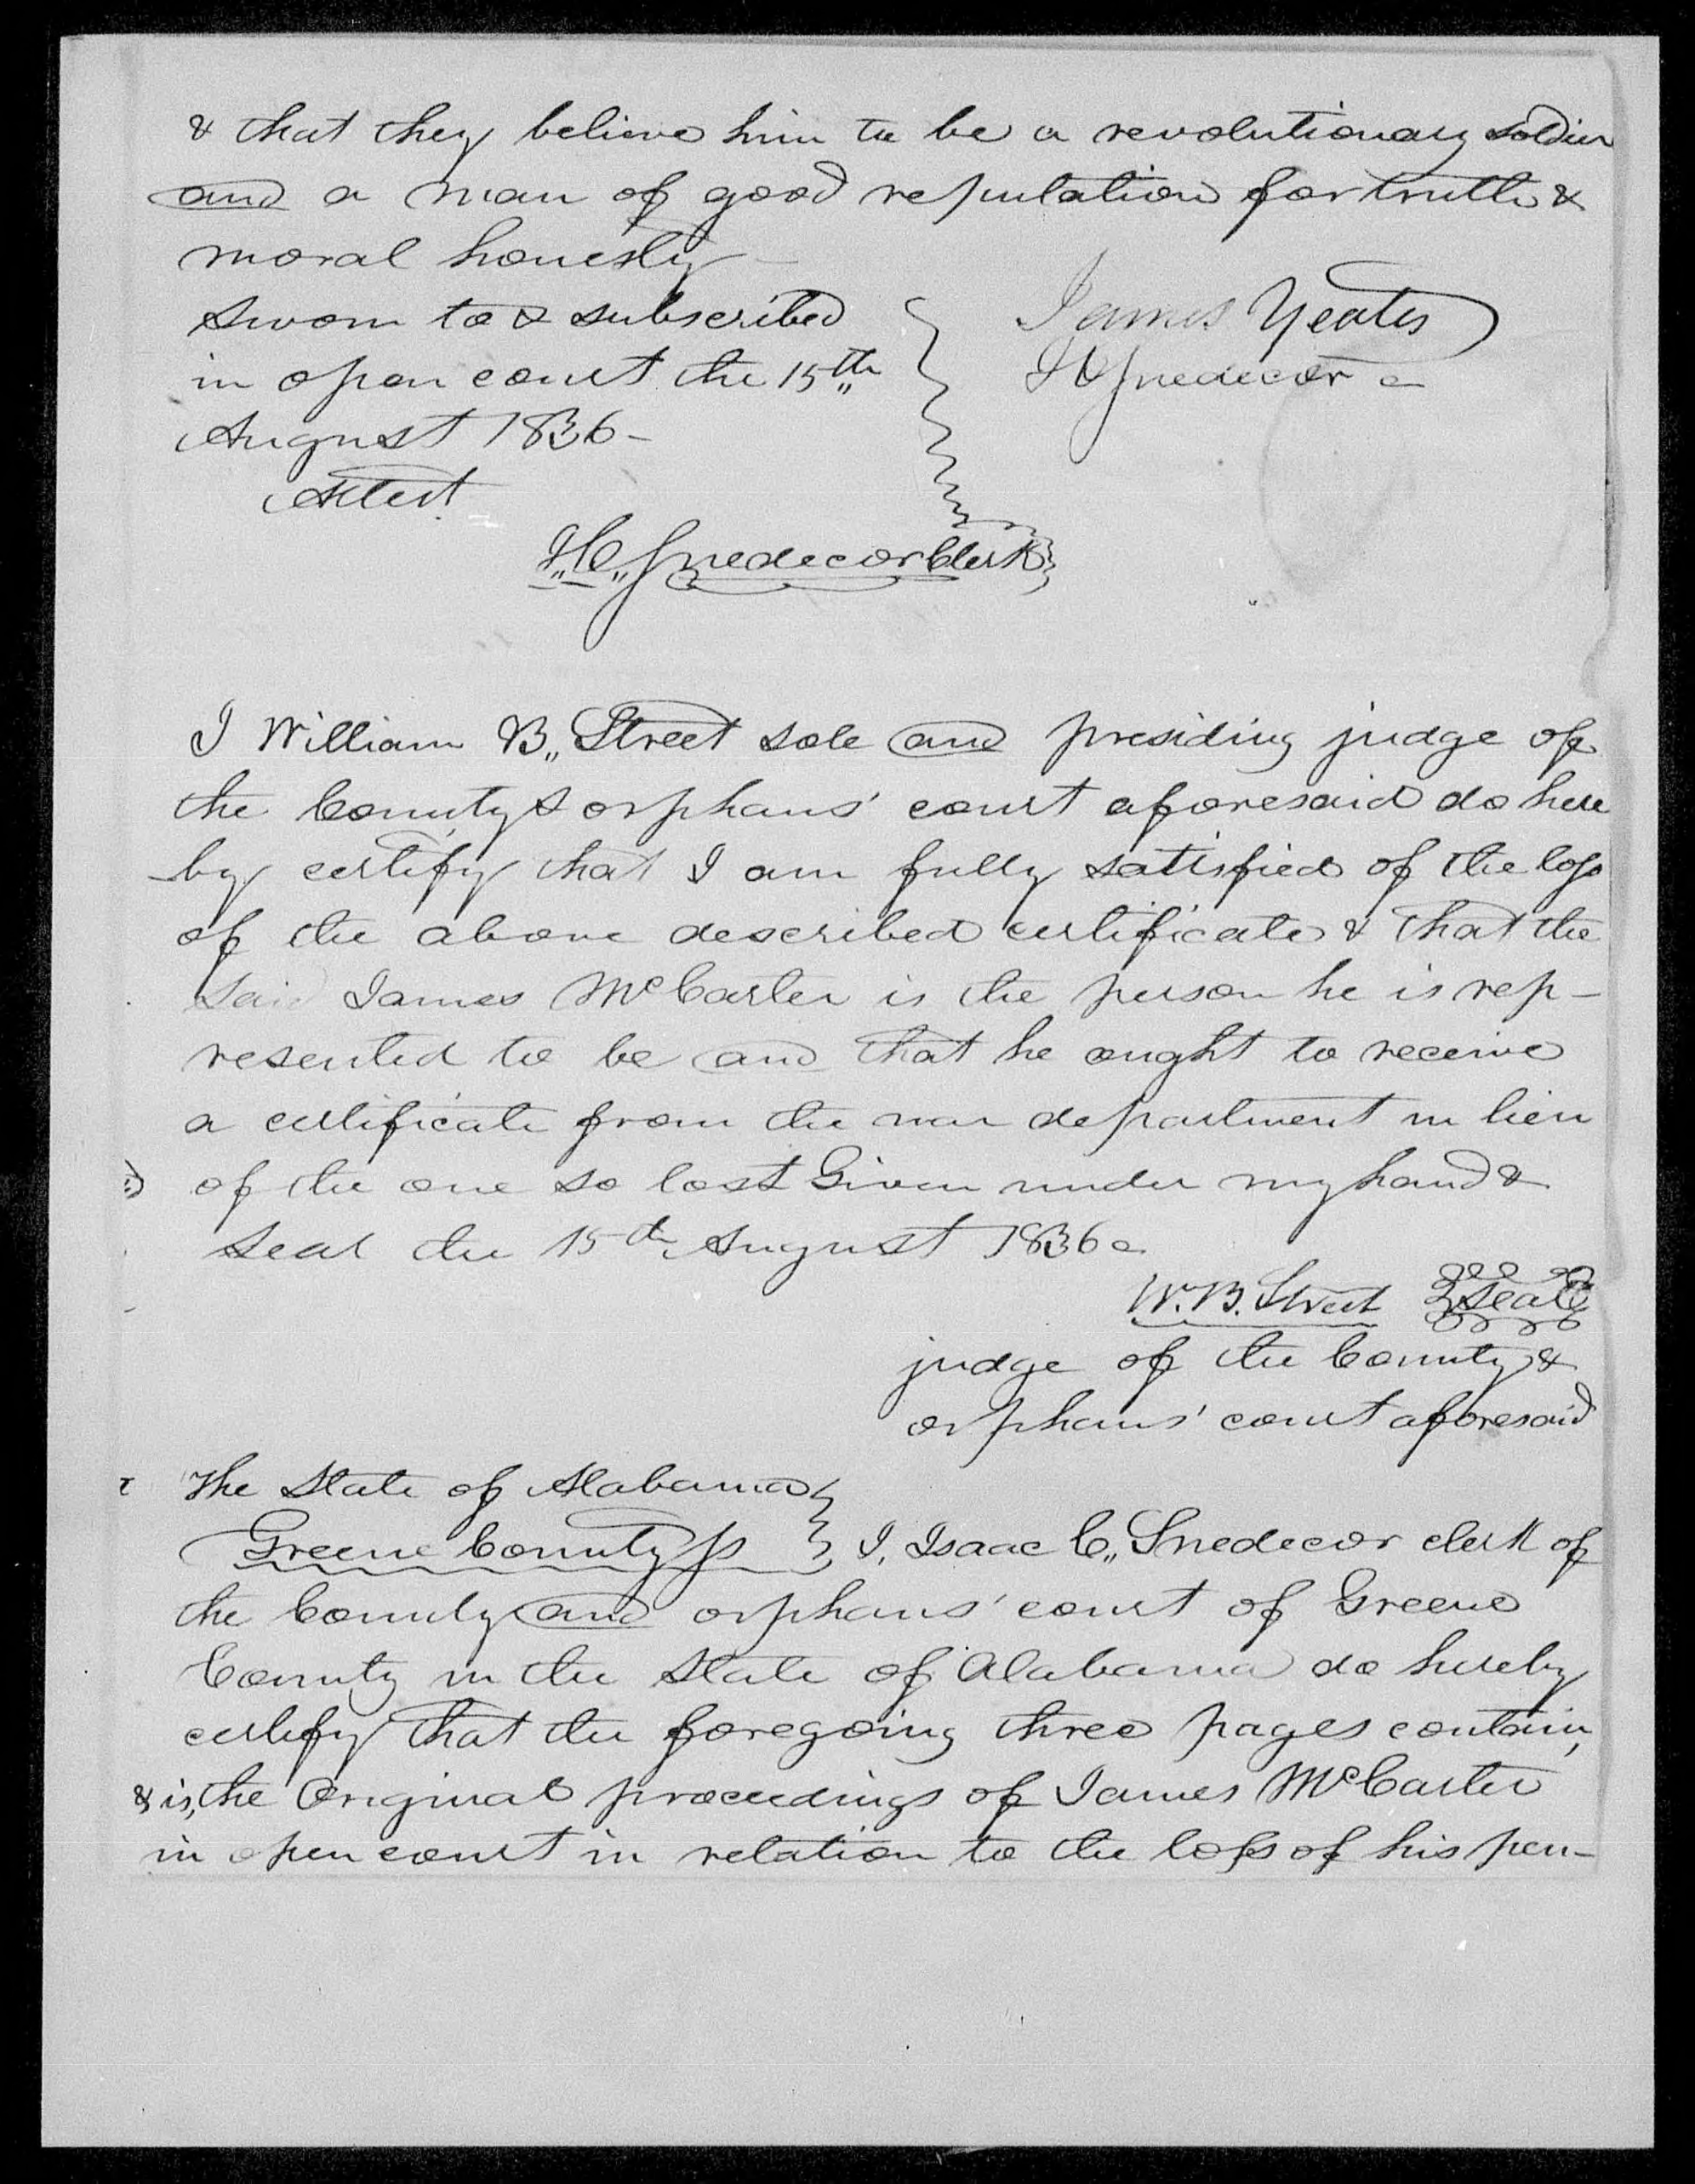& that they believe him to be a revolutionary soldier and a man of good reputation for truth & moral honesty
James Yeates
I C Snedecor

Sworn to & subscribed in open court the 15th
August 1836-
Attest
I.C. Snedecor Clerk

I William B. Street sole and presiding Judge of
the County & orphans' Court aforesaid do hereby certify that I am fully satisfied of the loss of the above described certificate & that the said James McCarter is the person he is represented to be and that he ought to receive a certificate from the war department in lien of the one so lost Given under my hand & Seal the 15th August 1836

W. B. Street [the word seal is circled]
Judge of the County & orphans' Court aforesaid

The State of Alabama}
Greene County}
I, Isaac C. Snedecor clerk of the County and orphans Court of Greene County in the State of Alabama do hereby certify that the foregoing three pages contain & is, the Original proceedings of James McCarter
in open court in relation to the loss of his pen-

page: 32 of 45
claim: survivor's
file: S. 13,890, for James Mc Carter, South Carolina